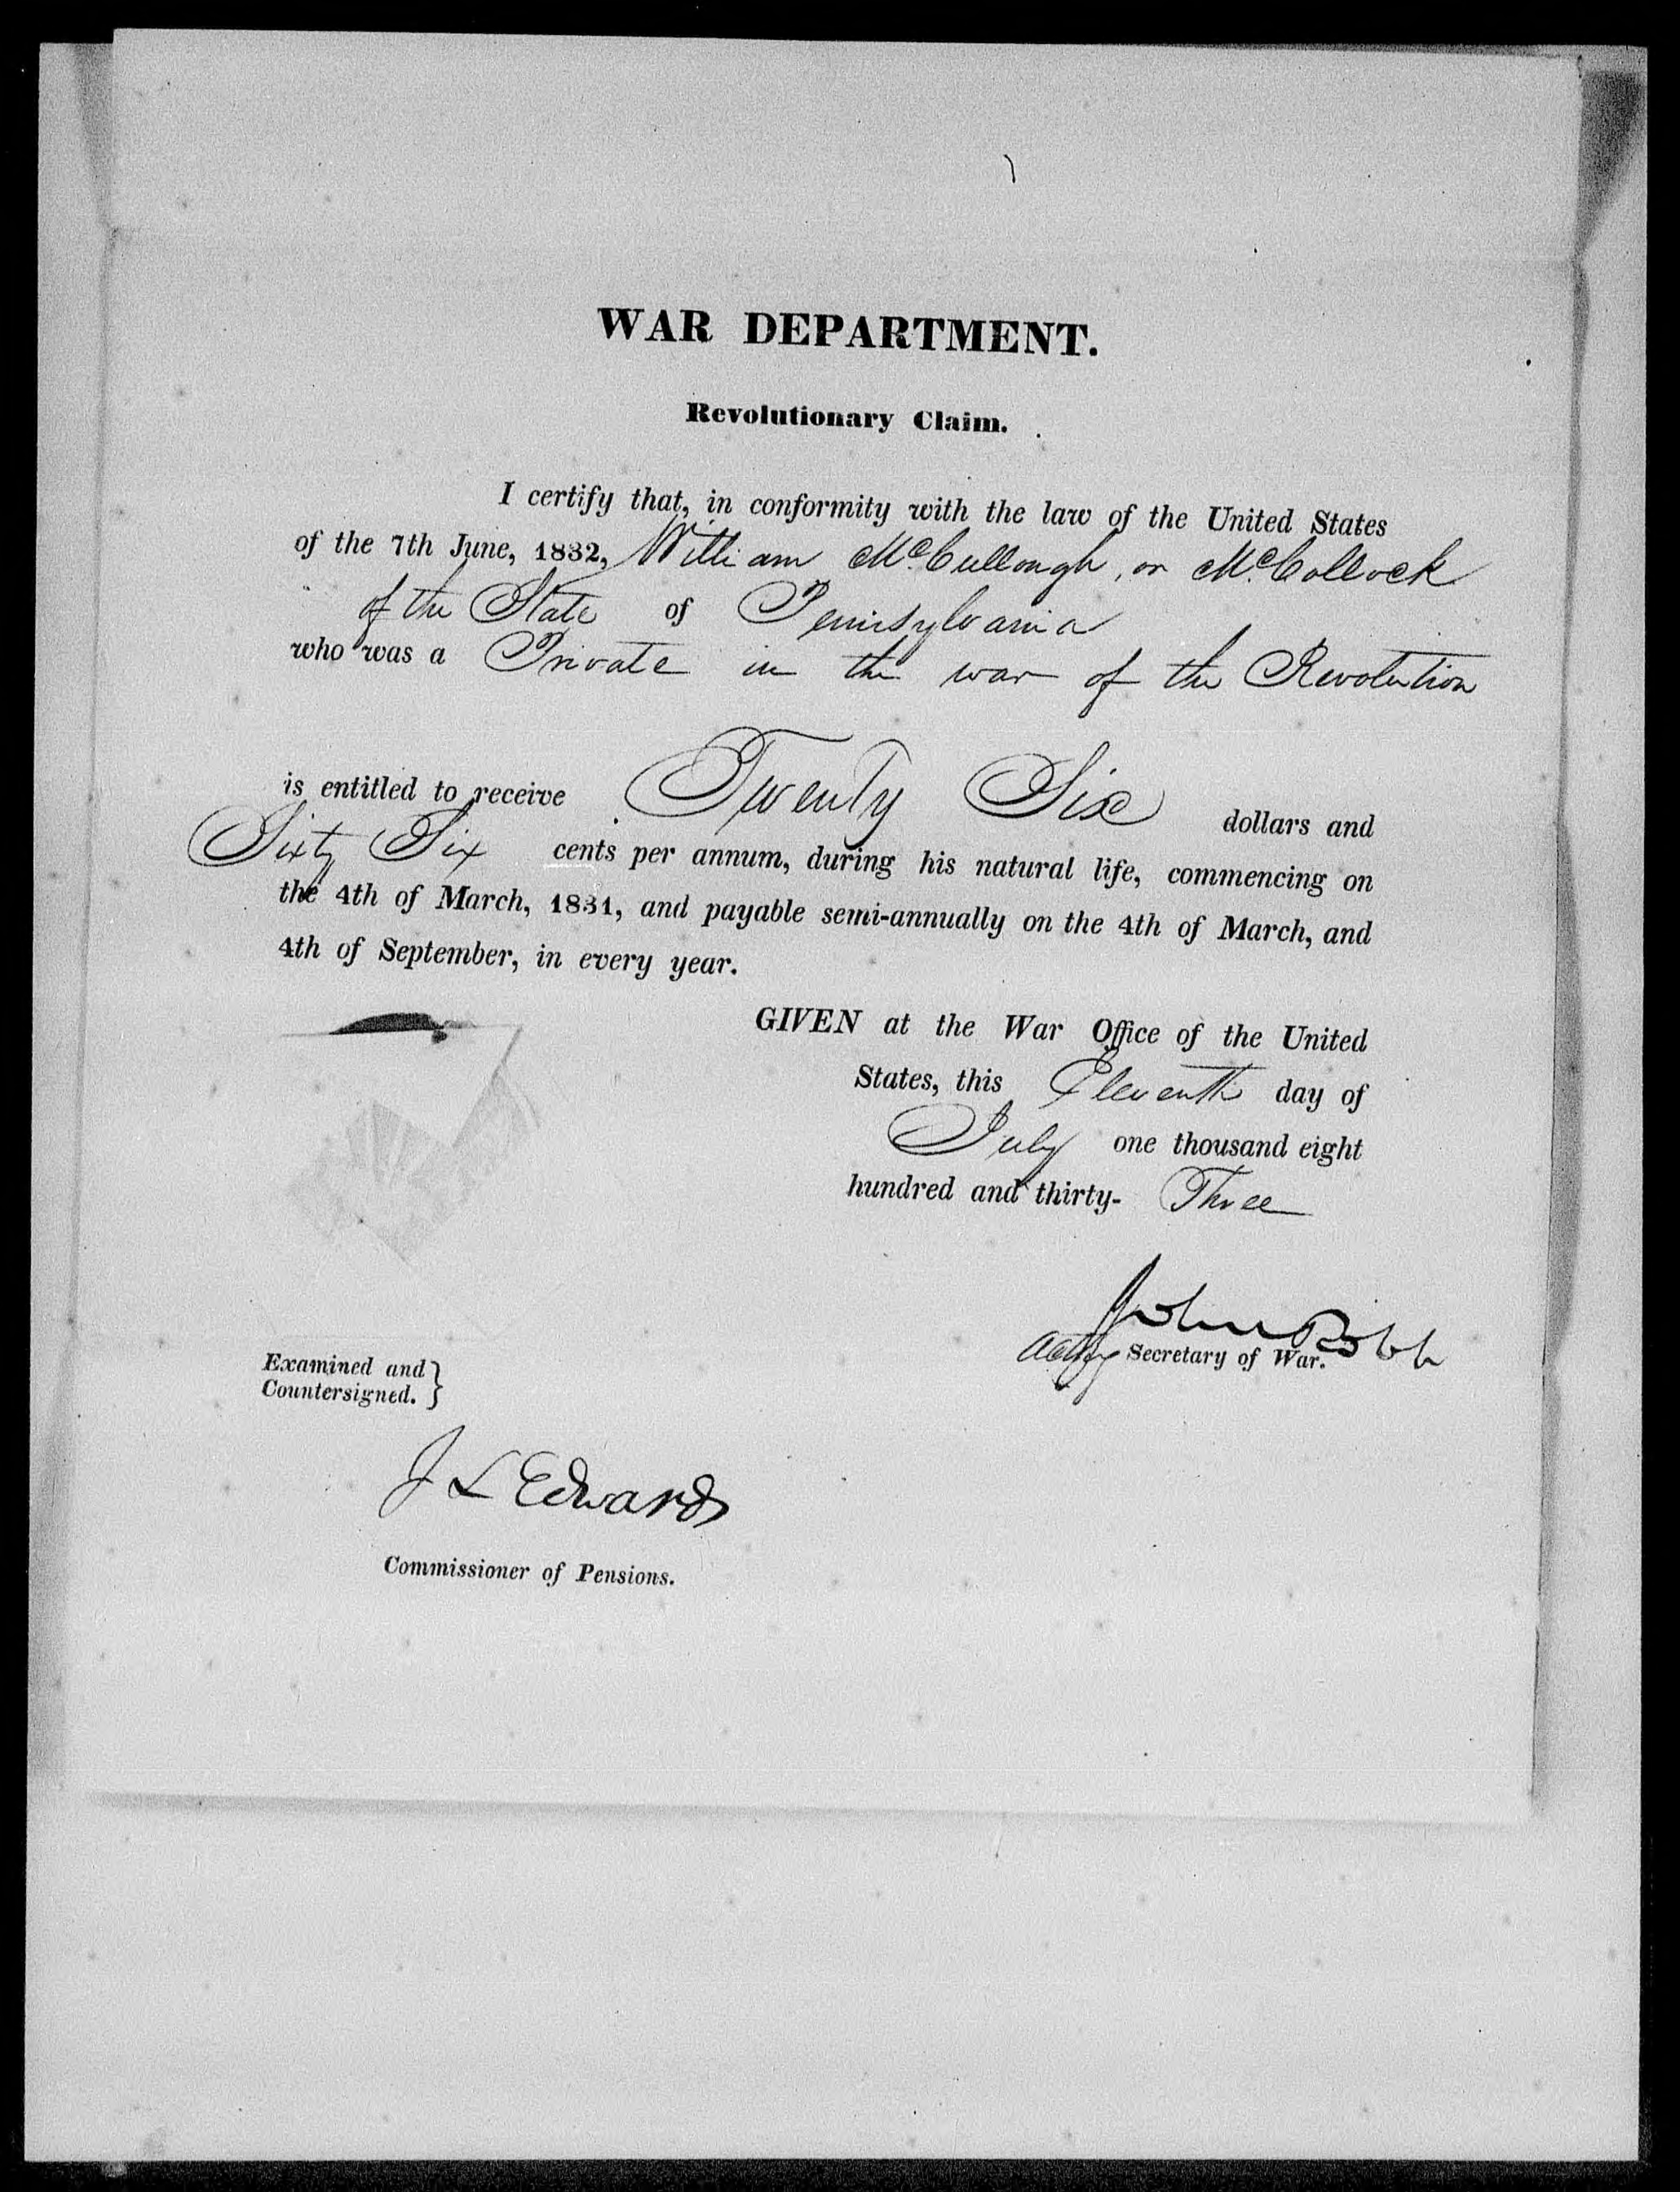WAR DEPARTMENT.

Revolutionary Claim.

I certify that, in conformity with the law of the United States of the 7th June, 1882, [handwritten] William McCullough or McCollock of the State

of [handwritten] Pennsylvania

who was a [handwritten] Private in the war of the Revolution

is entitled to receive [handwritten] Twenty Six

dollars and [handwritten] Sixty Six

cents per annum, during his natural life, commencing on the 4th of March, 1831, and payable semi-annually on the 4th of March, and 4th of September, in every year.

GIVEN at the War Office of the United States, this [handwritten] Eleventh

day of [handwritten] July

on thousand eight hundred and thirty- [handwritten] Three

[handwritten] John Robb

[illegible] Secretary of War.

Examined and Countersigned.}

[handwritten] J L Edwards

Commissioner of Pensions.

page: 24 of 30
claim: widow's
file: W. 2146, for Joseph Mc Collock, Pennsylvania